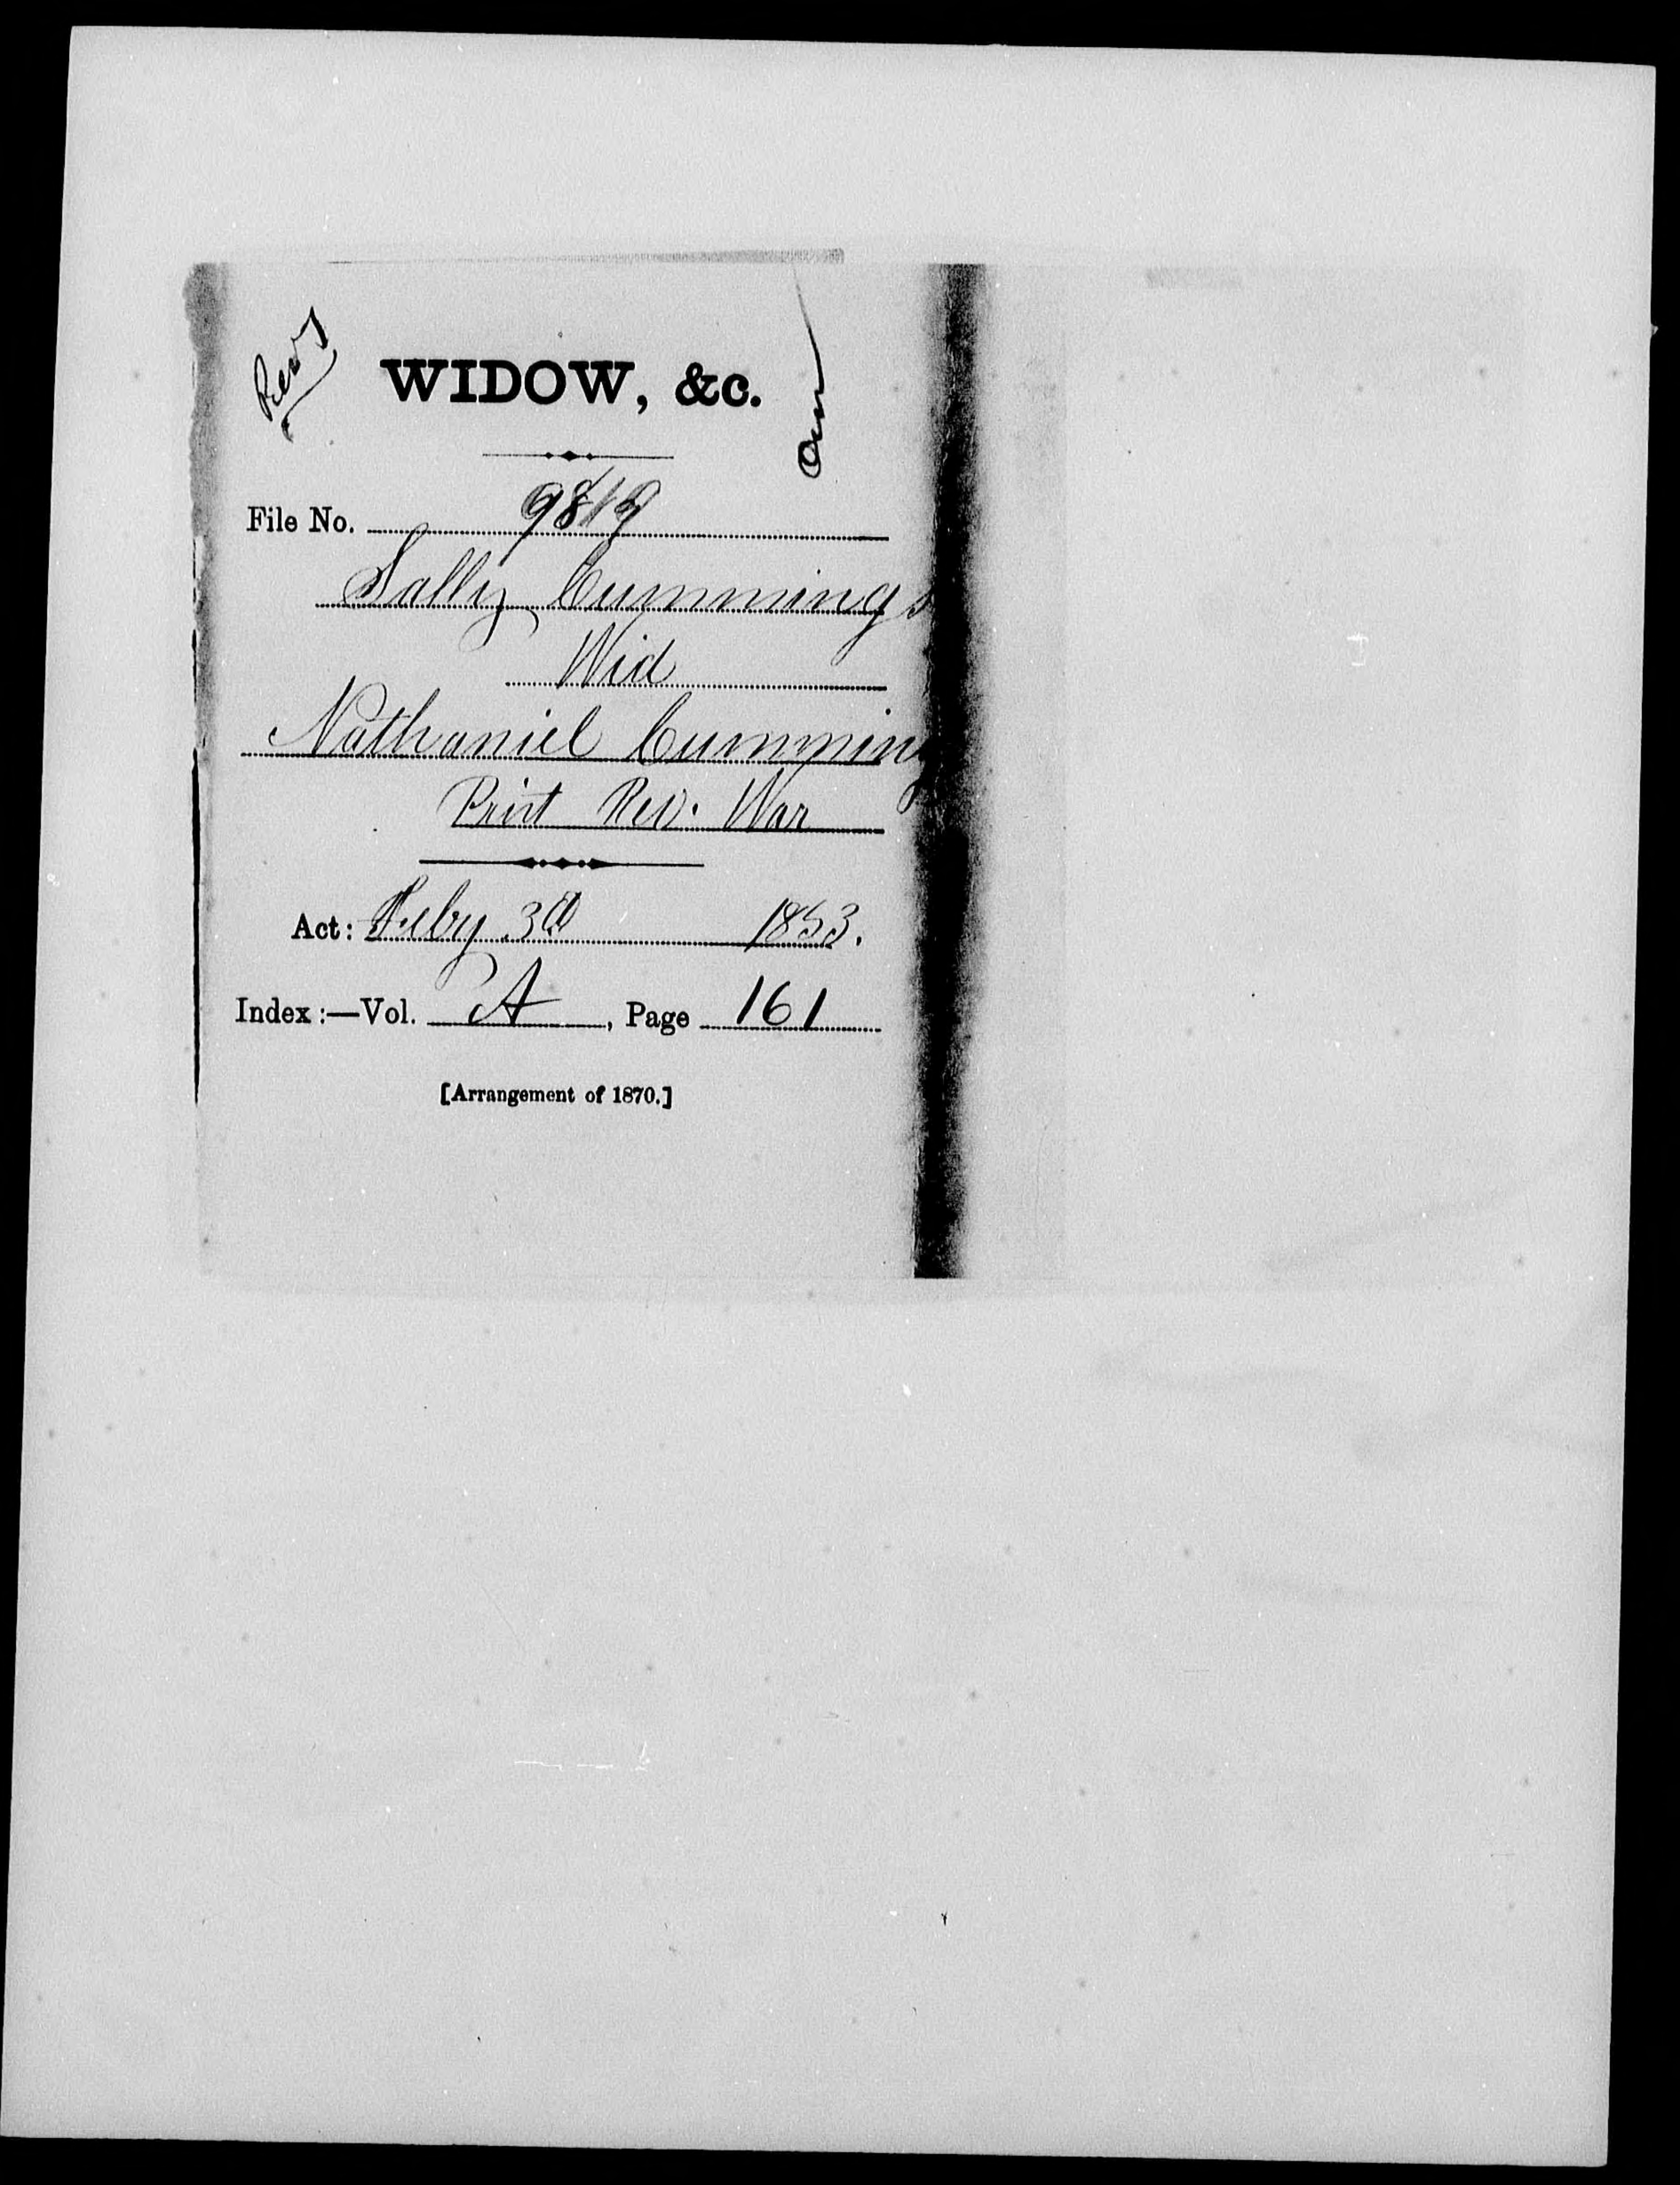WIDOW
File No. 9819
Sally Cummings
Widow
Nathaniel Cummings
Privt Rev War
Act: Feby 30 1853
Index: -- Vol.
Page 161
Arrangement of 1870.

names: Nathaniel Cummings, Sally Cummings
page: 23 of 41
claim: widow's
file: W. 9819, Nathaniel Cumings, Vt.